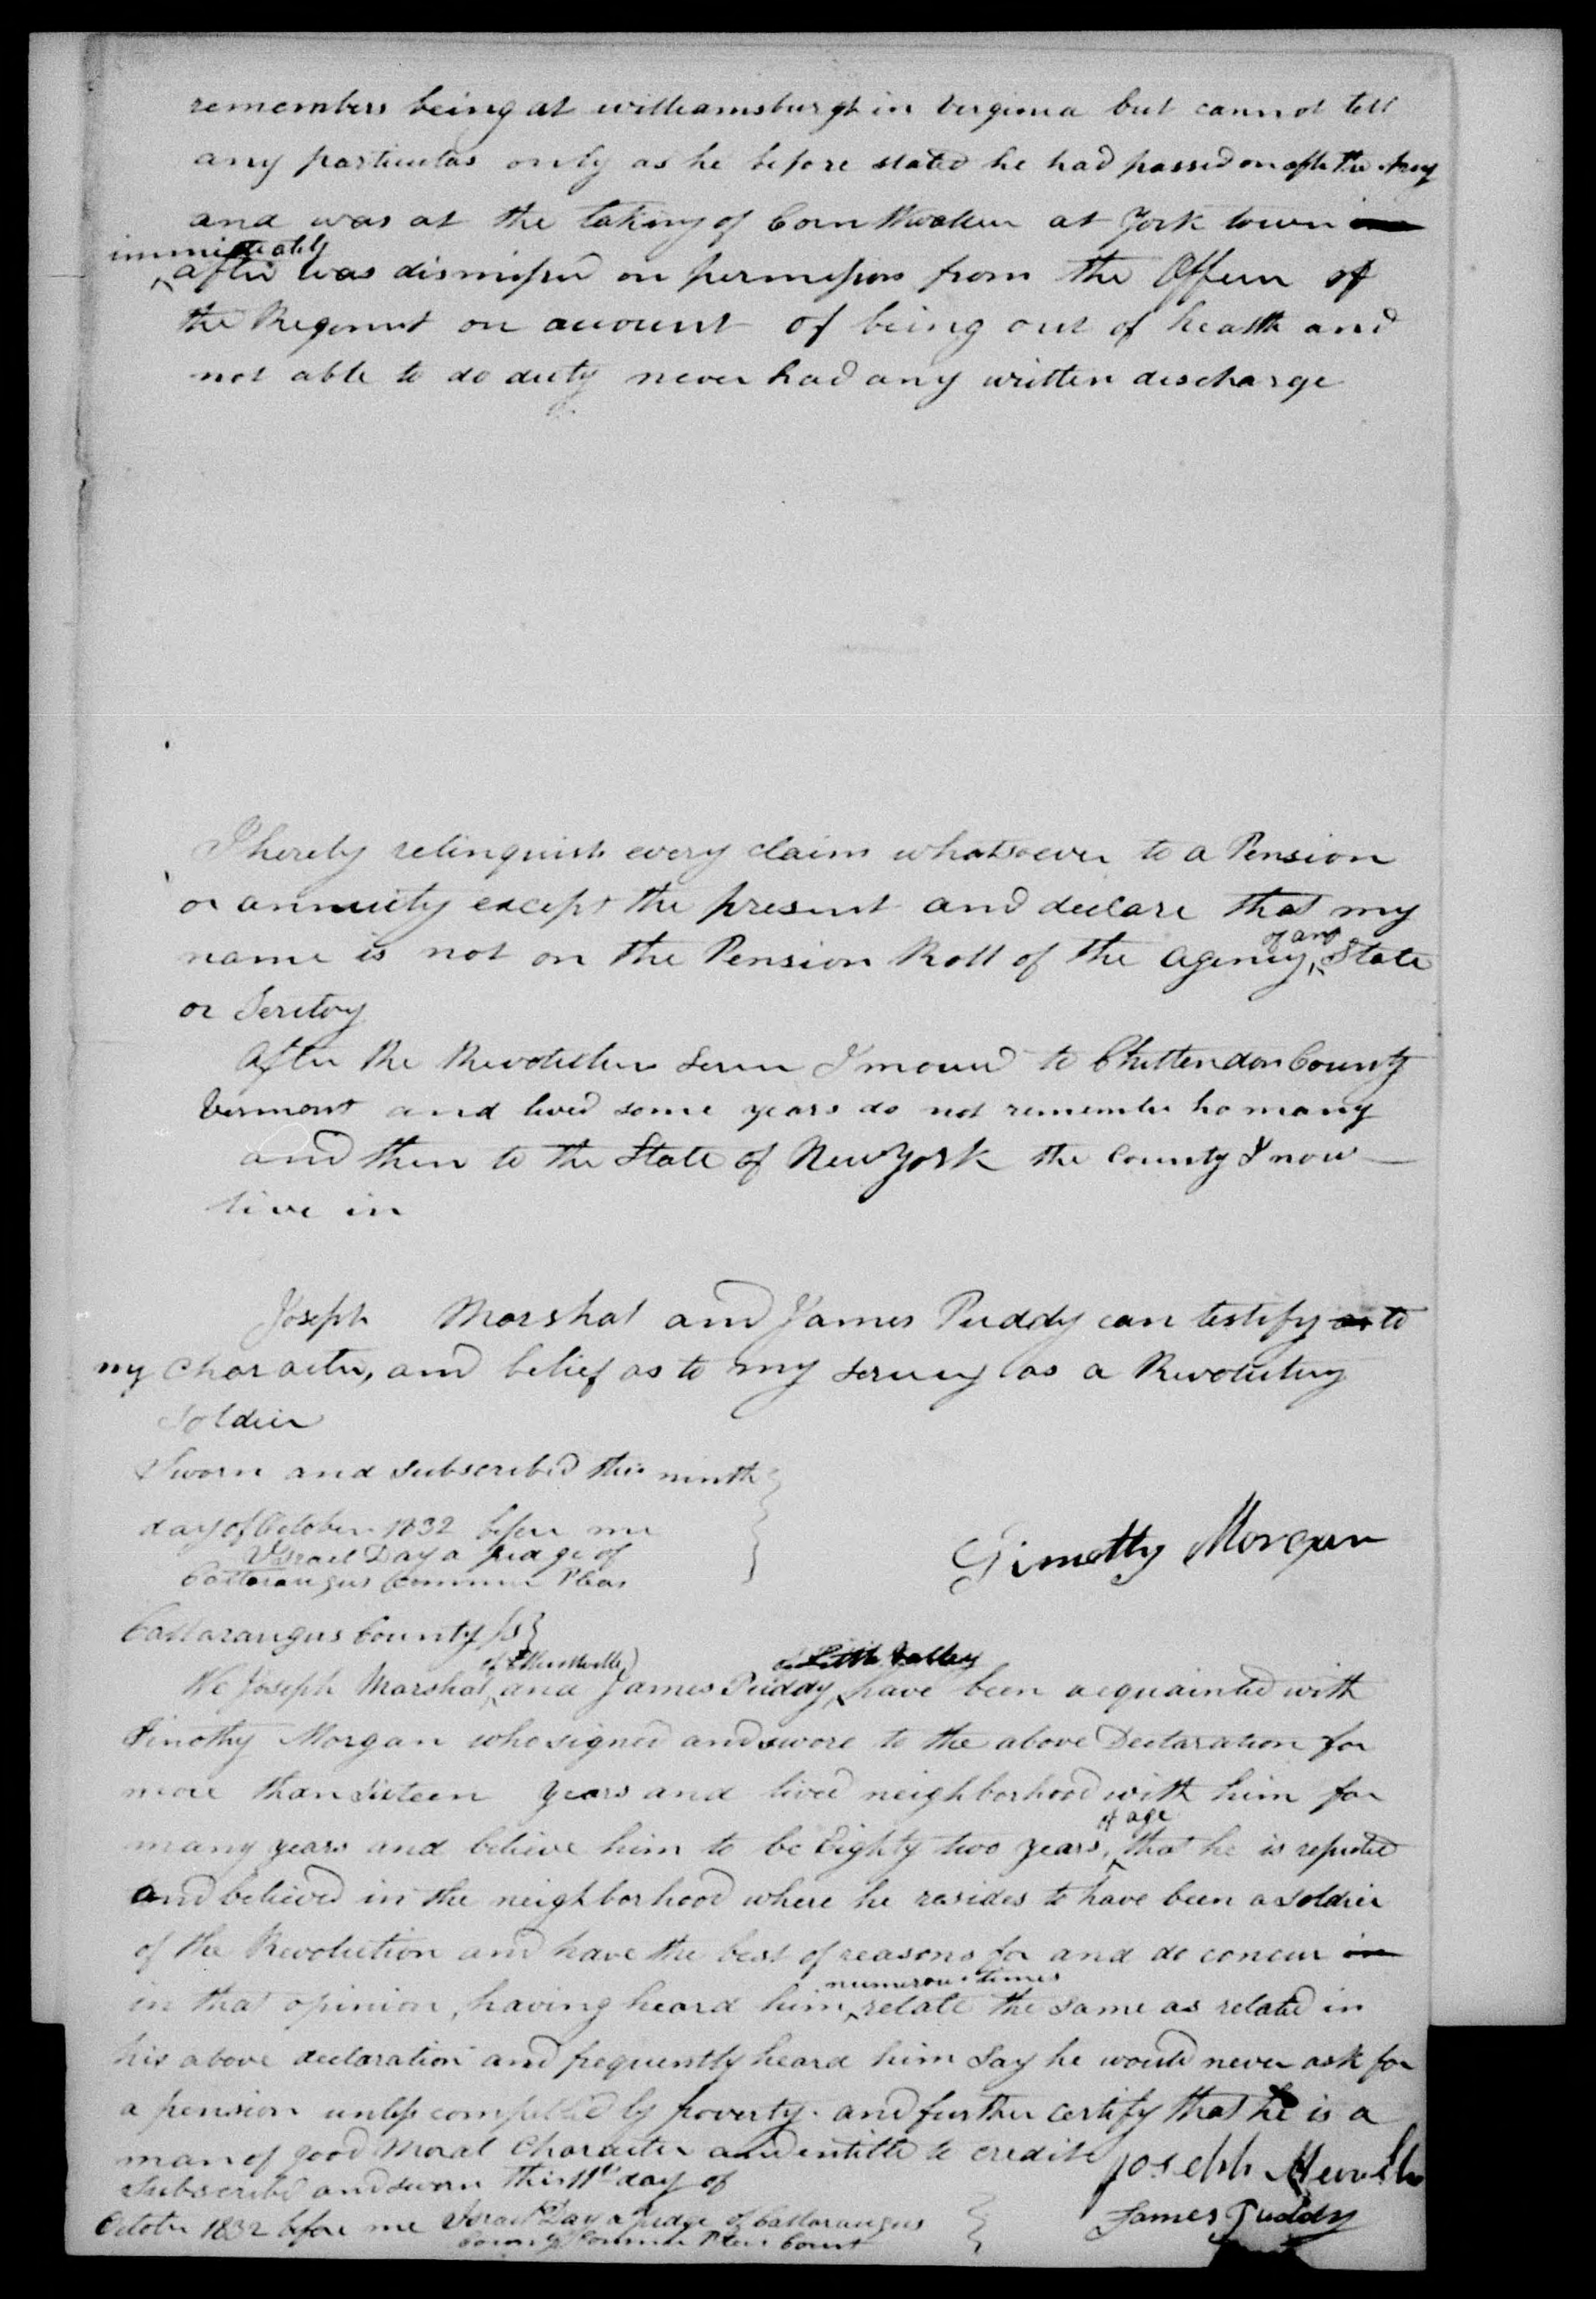remembers being at Williamsburgh in Virginia but cannot tell
any particular only as he before stated he had passed on after the fray
and was at the taking of Cornwallis at Yorktown
immediately after was dismissed on permission from the officer of
the Regiment on account of being out of health and
not able to do duty never had any written discharge
I hereby relinquish every claim whatsoever to a Pension
or annuity except the present and declare that my
name is not on the Pension Roll of the Agency of any State
or Teritory
after the Revolution term I moved to Chittenden County
Vermont and lived some years do not remember how many
and then to the State of New York the County I now
live in
Joseph Marshal and James Puddy can testify as to
my character, and belief as to my service as a Revolutionary
Soldier
Timothy Morgan
Sworn and subscribed this ninth }
day of October 1832 before me }
Israel Day Judge of }
Cattaraugus Common Pleas }
Cattaraugus County ss }
He Joseph Marshal of Ellicottville and James Puddy of Little Valley have been acquainted with
Timothy Morgan who signed and swore to the above Declaration for
more than sixteen years and lived neighborhood with him for
many years and believe him to be Eighty two years of age that he is reputed
and believed in the neighborhood where he resides to have been a soldier
of the Revolution and have the best of reasons for and do concur 
in that opinion, having heard him numerous times relate the same as related in
his above declaration and frequently heard him say he would never ask for
a pension unless compelled by poverty and further certify that he is a 
man of good moral character and entitled to credit 
Joseph Marshal
James Puddy
Subscribed and sworn this 11th day of
October 1832 before me Israel Day Judge of Cattaraugus
County Common Pleas Court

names: Joseph Marshal; Israel Day; James Puddy; Timothy Morgan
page: 3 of 19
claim: rejected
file: R 7390, for Timothy Morgan, Connecticut